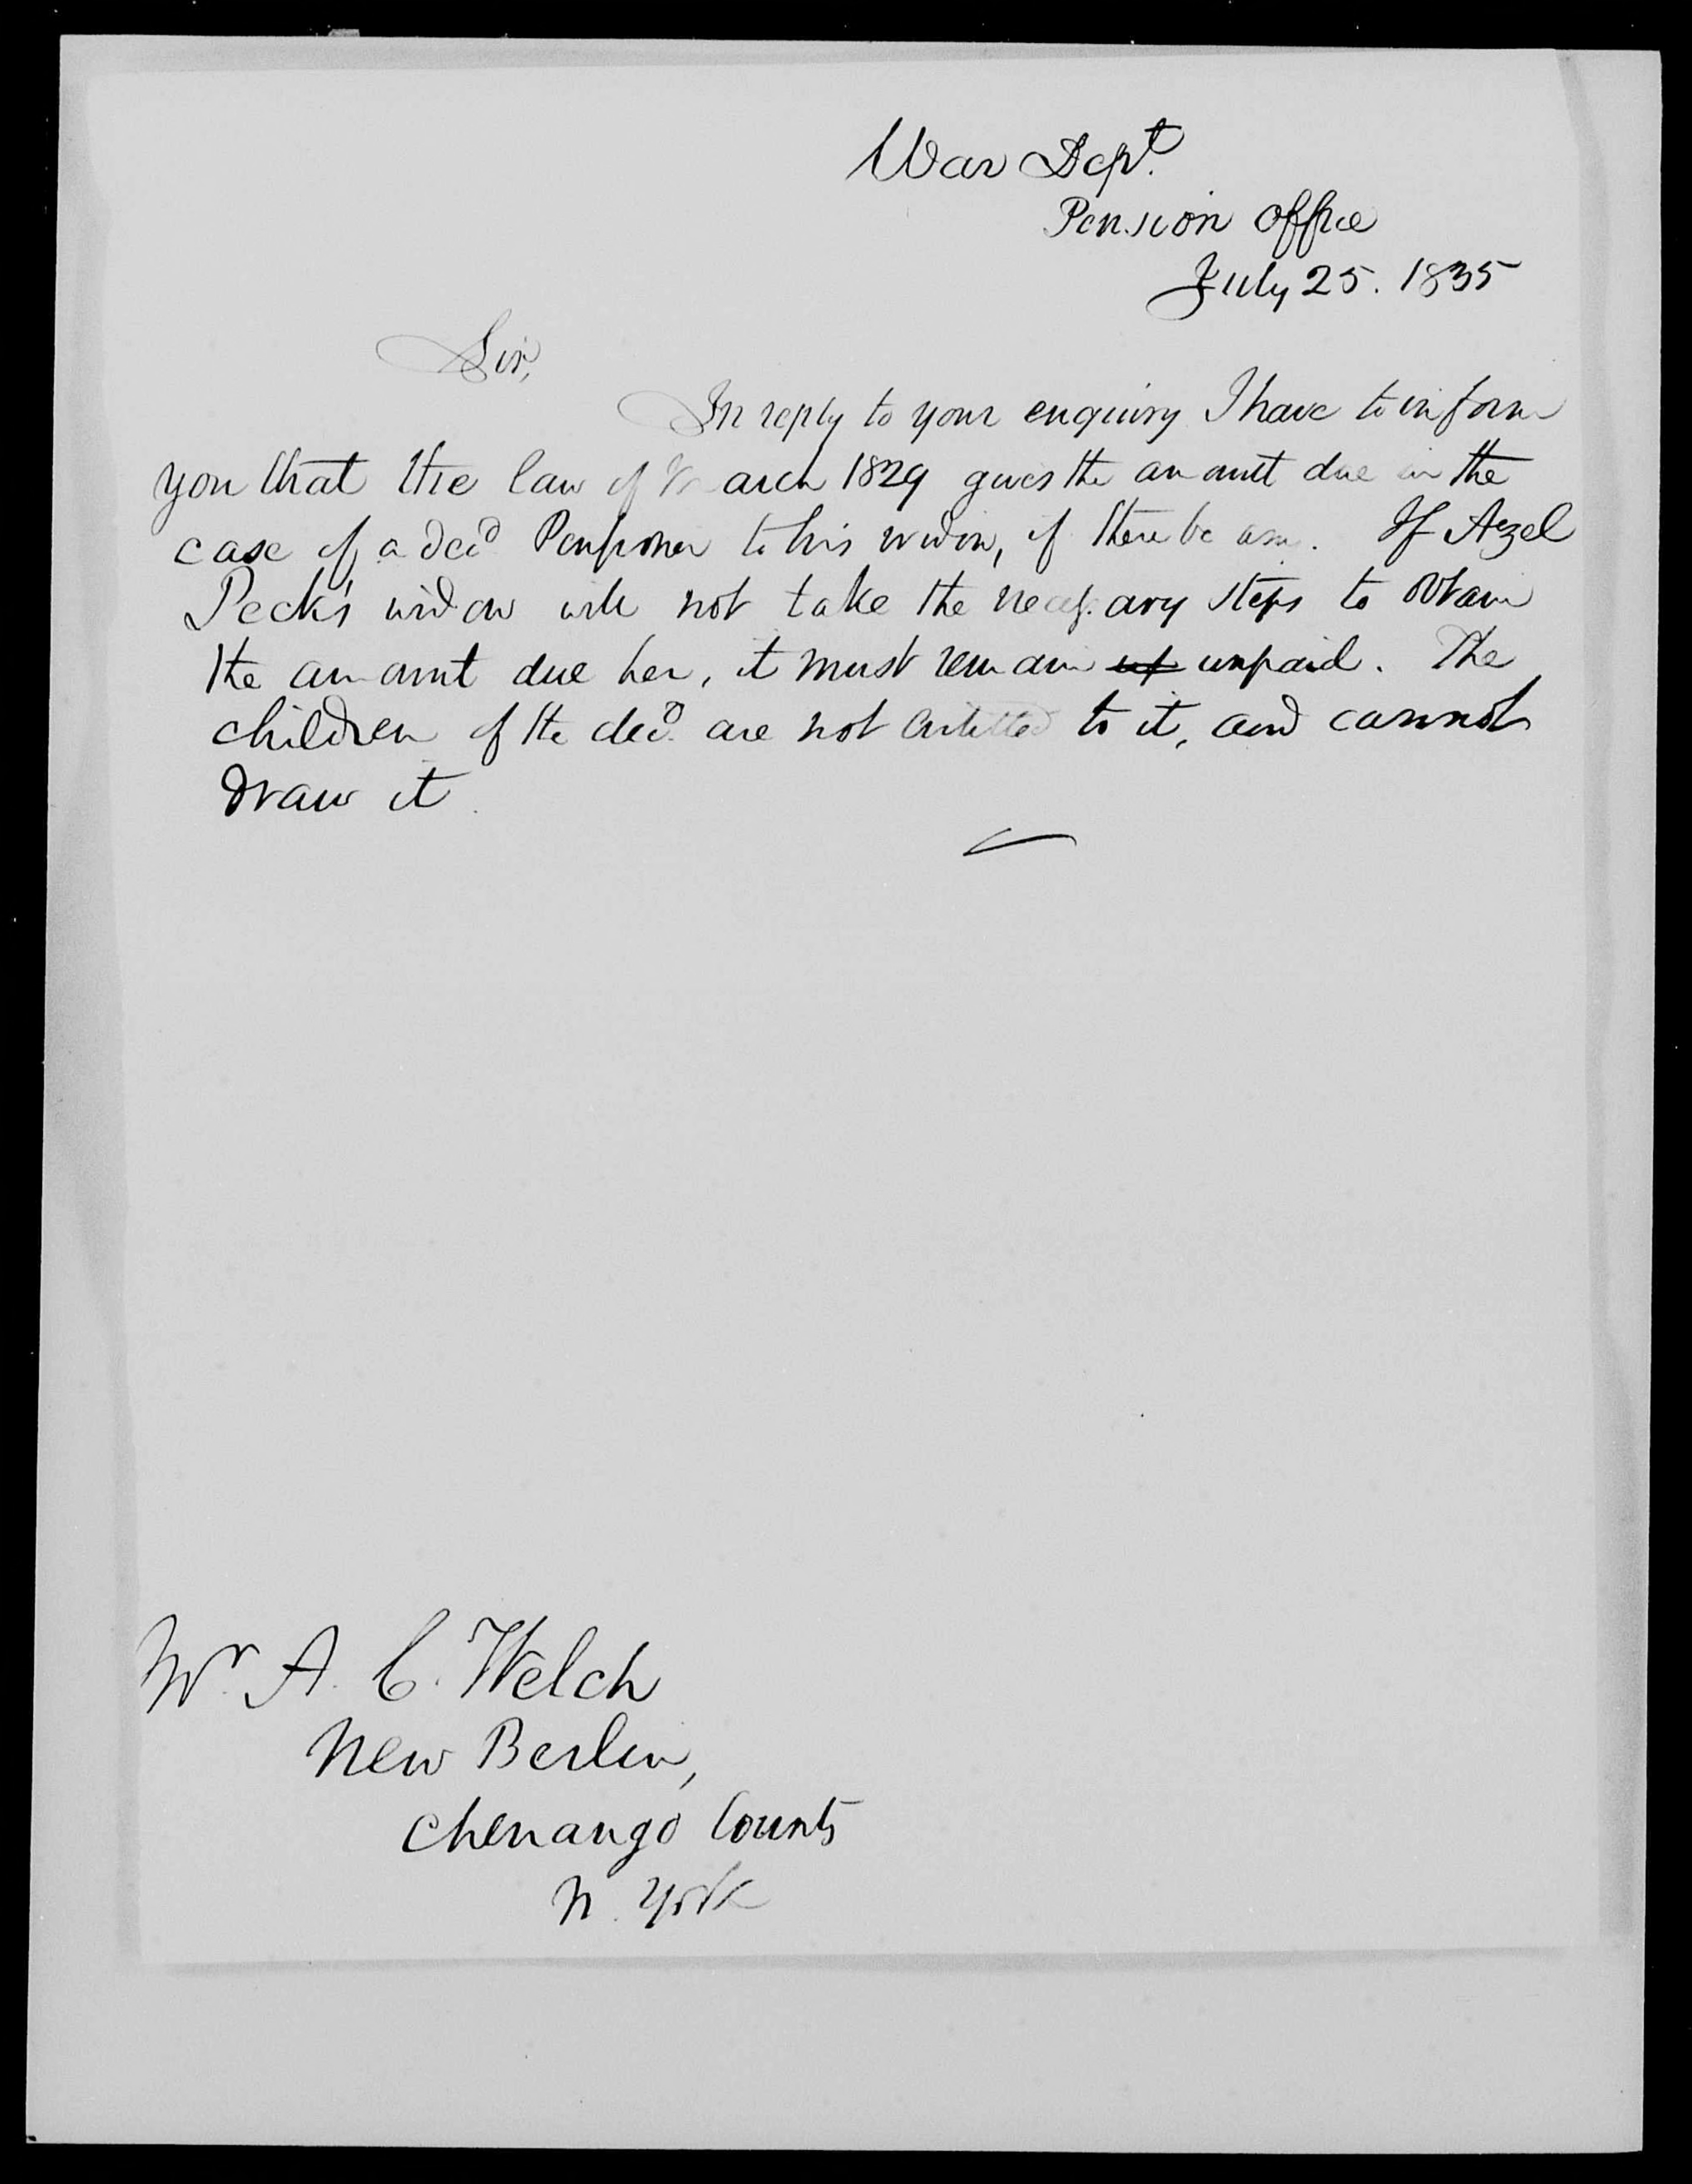War Dept
Pension Office
July 25. 1835
Sir,
In reply to your enquiry I have to inform
you that the law of March 1829 gives the amount due in the
case of a decd Pensoner to his widow, if there be one If Azel
Peck's widow will not take the necessary steps to obtain
the amount due her, it must remain unpaid. The
children of the decd are not entitled to it, and cannot
draw it
Mr A. C. Welch
New Berlin
Chenango County
N. York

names: A C Welch; Azel Peck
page: 4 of 4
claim: survivor's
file: S. 17222, for Azel Peck, Connecticut